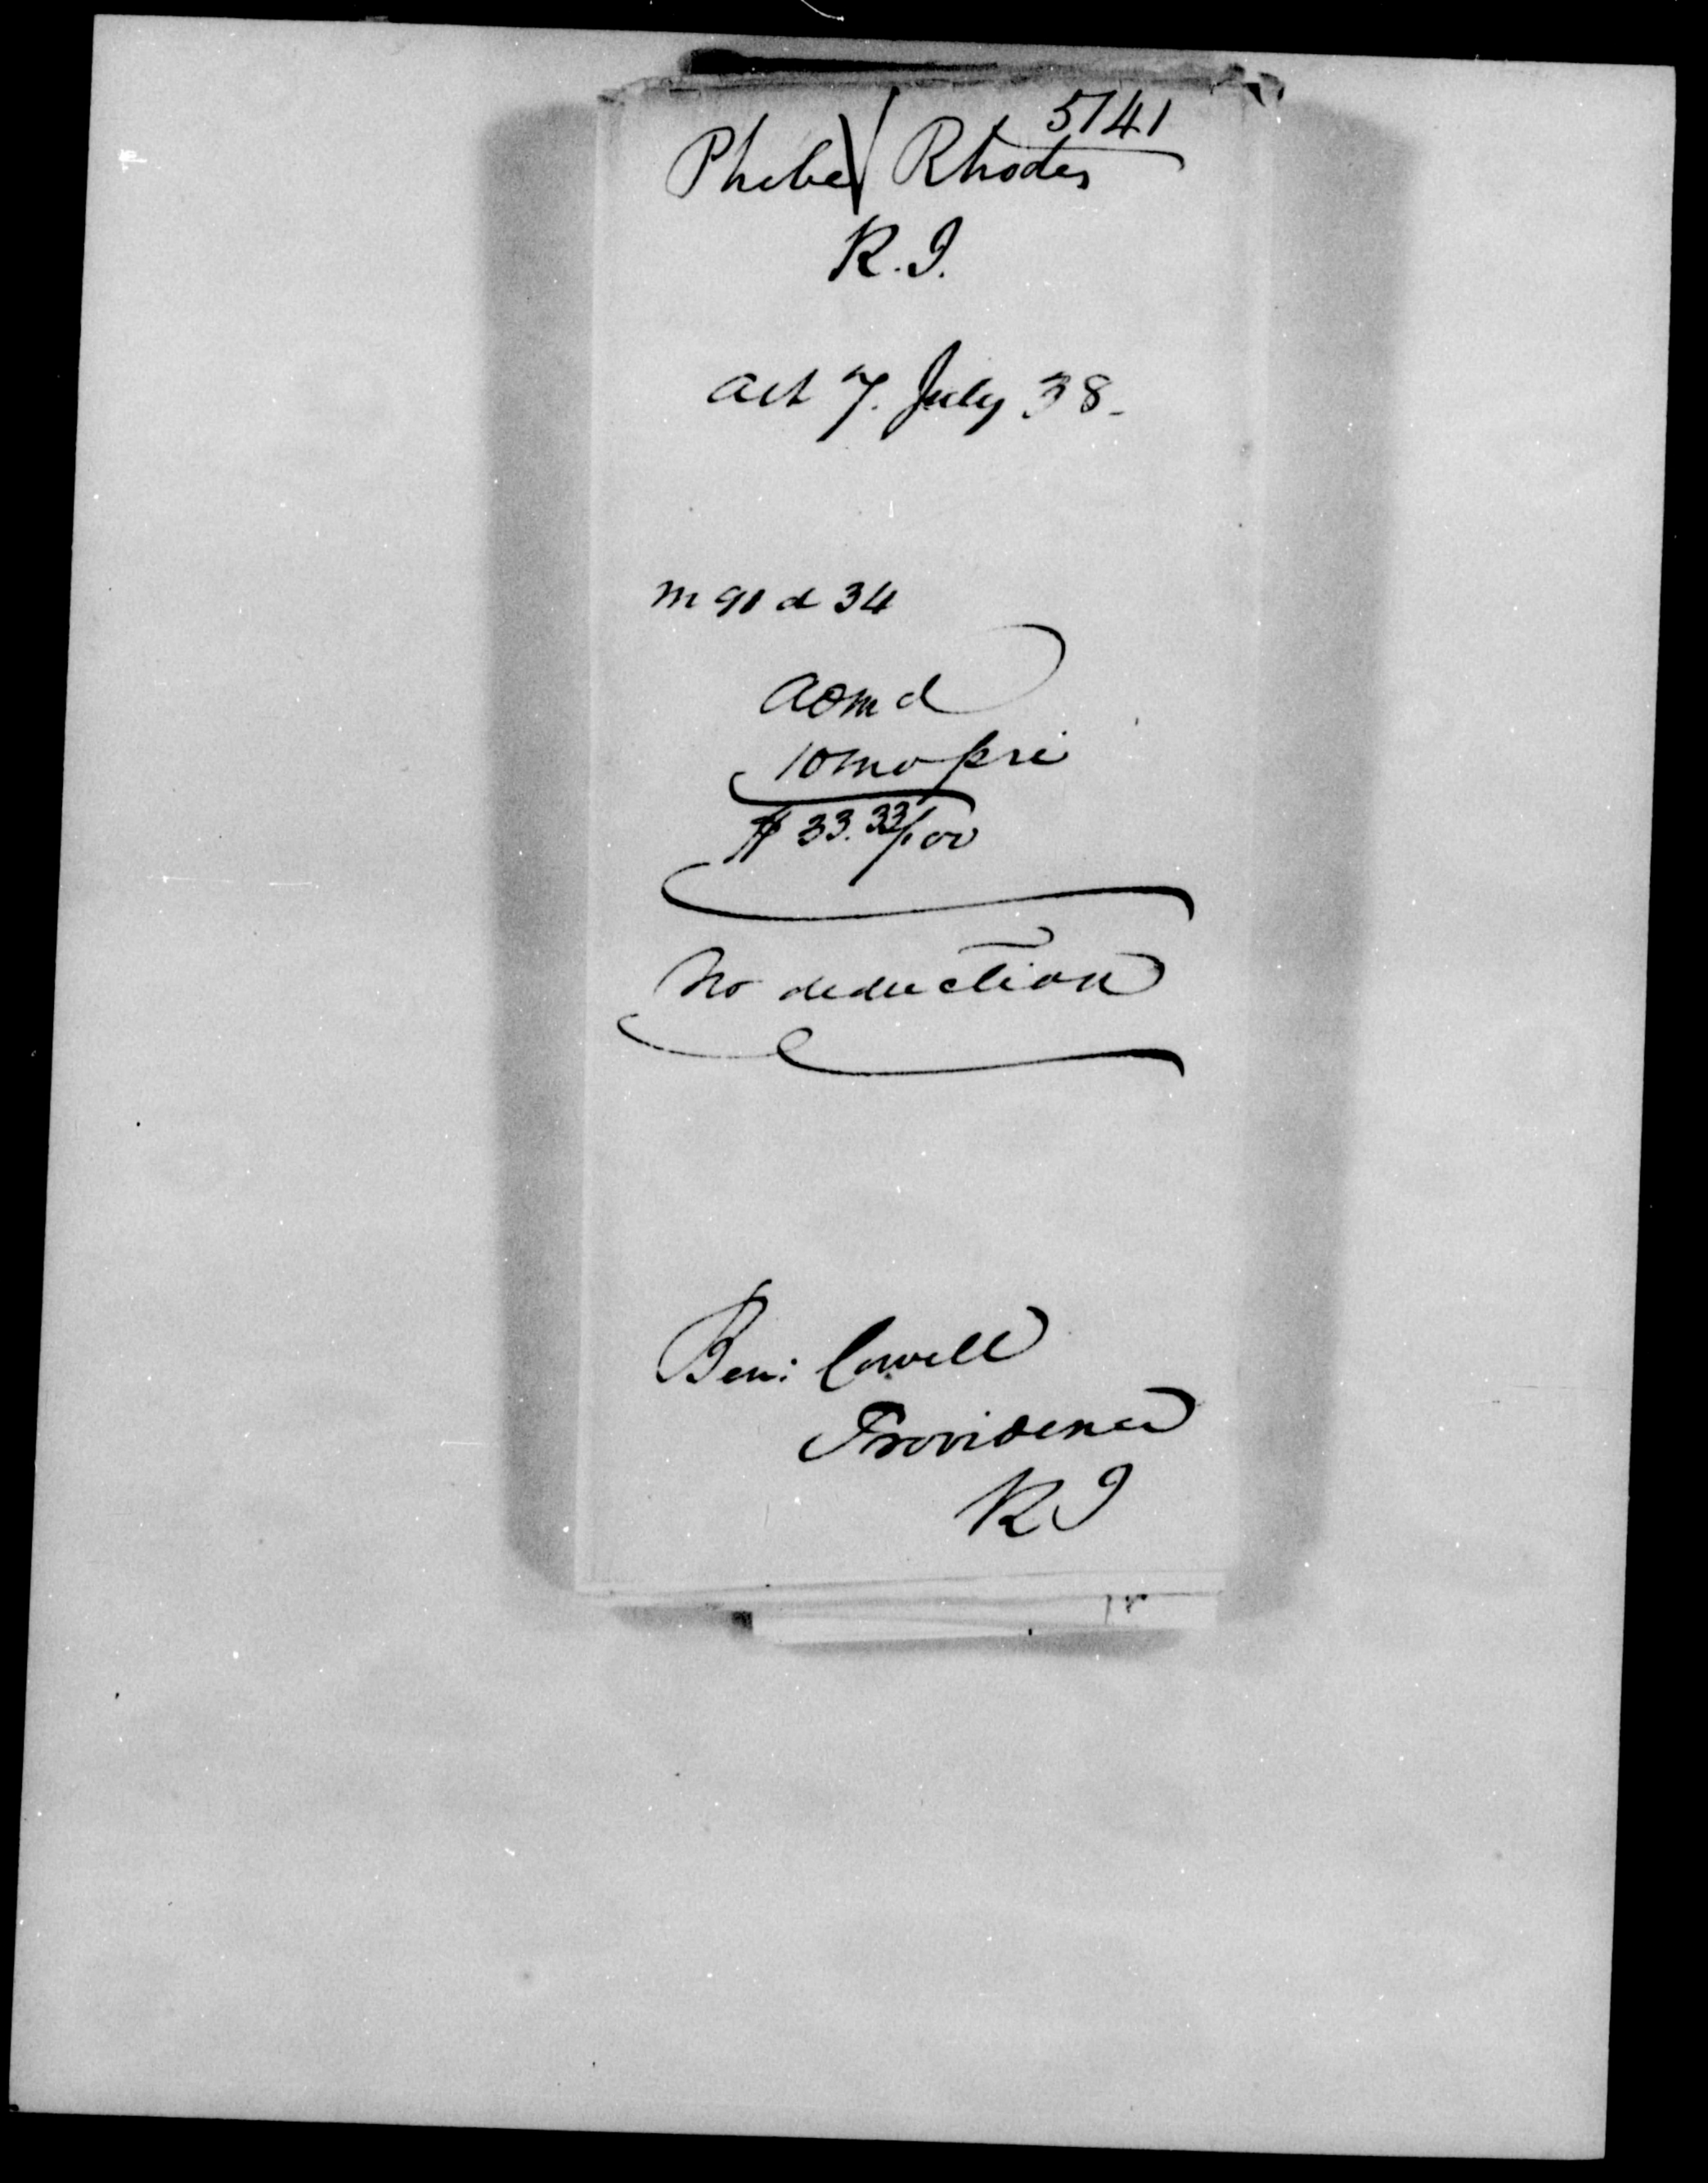5741
Phebe Rhodes
R.I.
act 7. July 38
M91 & 34
aomd
10 mo pri
$33.33 per
no deduction

Ben: Cowell
Providence RI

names: Phebe Rhodes; Ben Cowell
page: 15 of 50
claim: widow's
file: W. 22058, for Benjamin Rhodes, Rhode Island